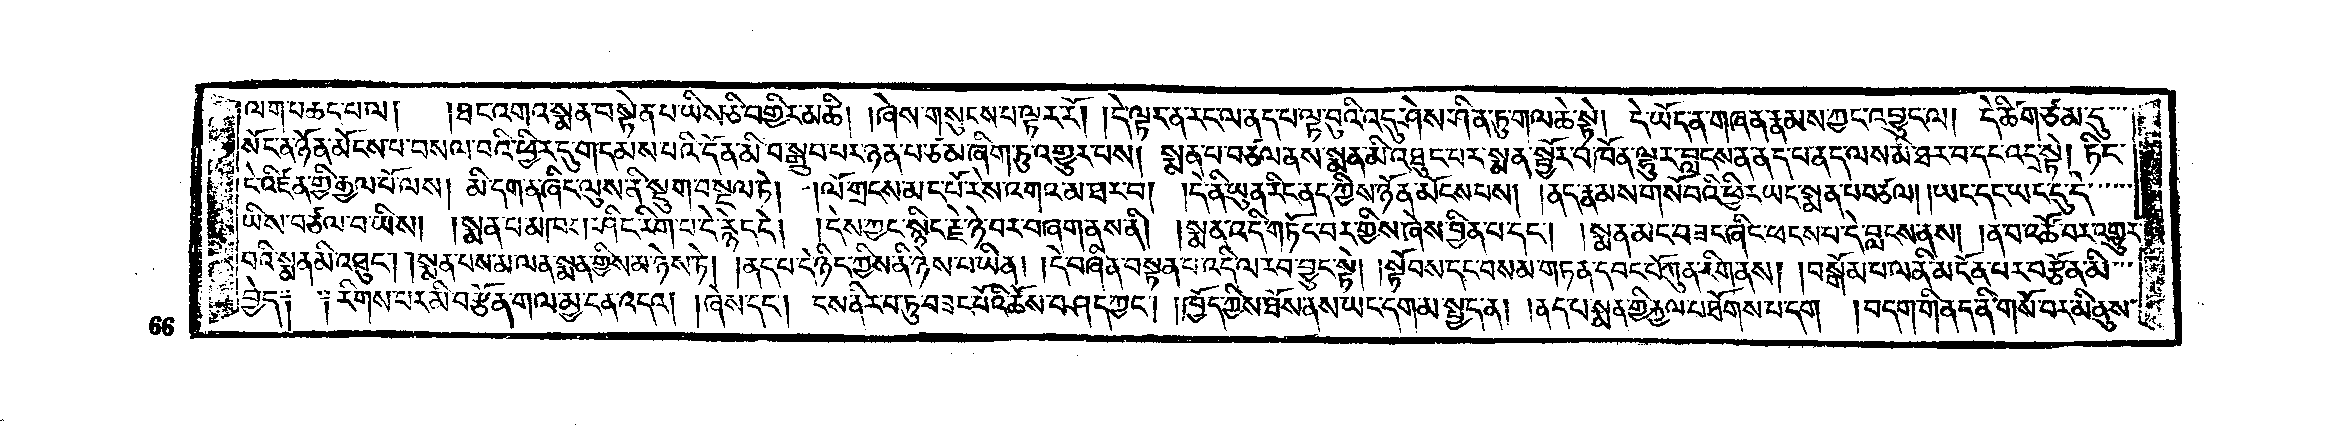ལག་པ་ཆད་པ་ལ། །ཐང་འགའ་སྨན་བསྟེན་པ་ཡིས་ཅི་བགྱིར་མཆི། །ཞེས་གསུངས་པ་ལྟར་རོ། །དེ་ལྟར་ན་རང་ལ་ནད་པ་ལྟ་བུའི་འདུ་ཤེས་ཤིན་ཏུ་གལ་ཆེ་སྟེ། དེ་ཡོད་ན་གཞན་རྣམས་ཀྱང་འབྱུང་ལ། དེ་ཚིག་ཙམ་དུ་
སོང་ན་ཉོན་མོངས་པ་བསལ་བའི་ཕྱིར་དུ་གདམས་པའི་དོན་མི་བསྒྲུབ་པར་ཉན་པ་ཙམ་ཞིག་ཏུ་འགྱུར་བས། སྨན་པ་བཙལ་ནས་སྨན་མི་འཐུང་བར་སྨན་སྦྱོར་བ་ཁོ་ན་ལྷུར་བླངས་ན་ནད་པ་ནད་ལས་མི་ཐར་བ་དང་འདྲ་སྟེ། ཏིང་
ངེ་འཛིན་གྱི་རྒྱལ་པོ་ལས། མི་དག་ན་ཞིང་ལུས་ནི་སྡུག་བསྔལ་ཏེ། །ལོ་གྲངས་མང་པོ་རེས་འགའ་མ་ཐར་བ། །དེ་ནི་ཡུན་རིང་ནད་ཀྱིས་ཉོན་མོངས་པས། །ནད་རྣམས་གསོ་བའི་ཕྱིར་ཡང་སྨན་པ་བཙལ། །ཡང་དང་ཡང་དུ་དེ་
ཡིས་བཙལ་བ་ཡིས། །སྨན་པ་མཁས་ཤིང་རིག་པ་དེ་རྙེད་དེ། །དེས་ཀྱང་སྙིང་རྗེ་ཉེ་བར་བཞག་ནས་ནི། །སྨན་འདི་གཏང་བར་གྱིས་ཞེས་བྱིན་པ་དང་། །སྨན་མང་བཟང་ཞིང་ཕངས་པ་དེ་བླངས་ནས། །ན་བ་འཚོ་བར་འགྱུར་
བའི་སྨན་མི་འཐུང་། །སྨན་བསམ་ལན་སྨན་གྱིས་མ་ཉེས་ཏེ། །ནད་པ་དེ་ཉིད་ཀྱིས་ནི་ཉེས་པ་ཡིན། །དེ་བཞིན་བསྟན་པ་འདི་ལ་རབ་བྱུང་སྟེ། །སྟོབས་དང་བསམ་གཏན་དབང་པོ་ཀུན་རིག་ནས། །བསྒོམ་པ་ལ་ནི་མངོན་པར་བརྩོན་མི་
བྱེད༑ ༑རིགས་པར་མི་བརྩོན་ག་ལ་མྱ་ངན་འདའ། །ཞེས་དང་། ངས་ནི་རབ་ཏུ་བཟང་པོའི་?་ཆོས་བཤད་ཀྱང་། །ཁྱོད་ཀྱིས་ཐོས་ནས་ཡང་དག་མ་སྤྱད་ན། །ནད་པ་སྨན་གྱི་རྐྱལ་བ་ཐོགས་པ་དག །བདག་གི་ནད་ནི་གསོ་བར་མི་ནུས་